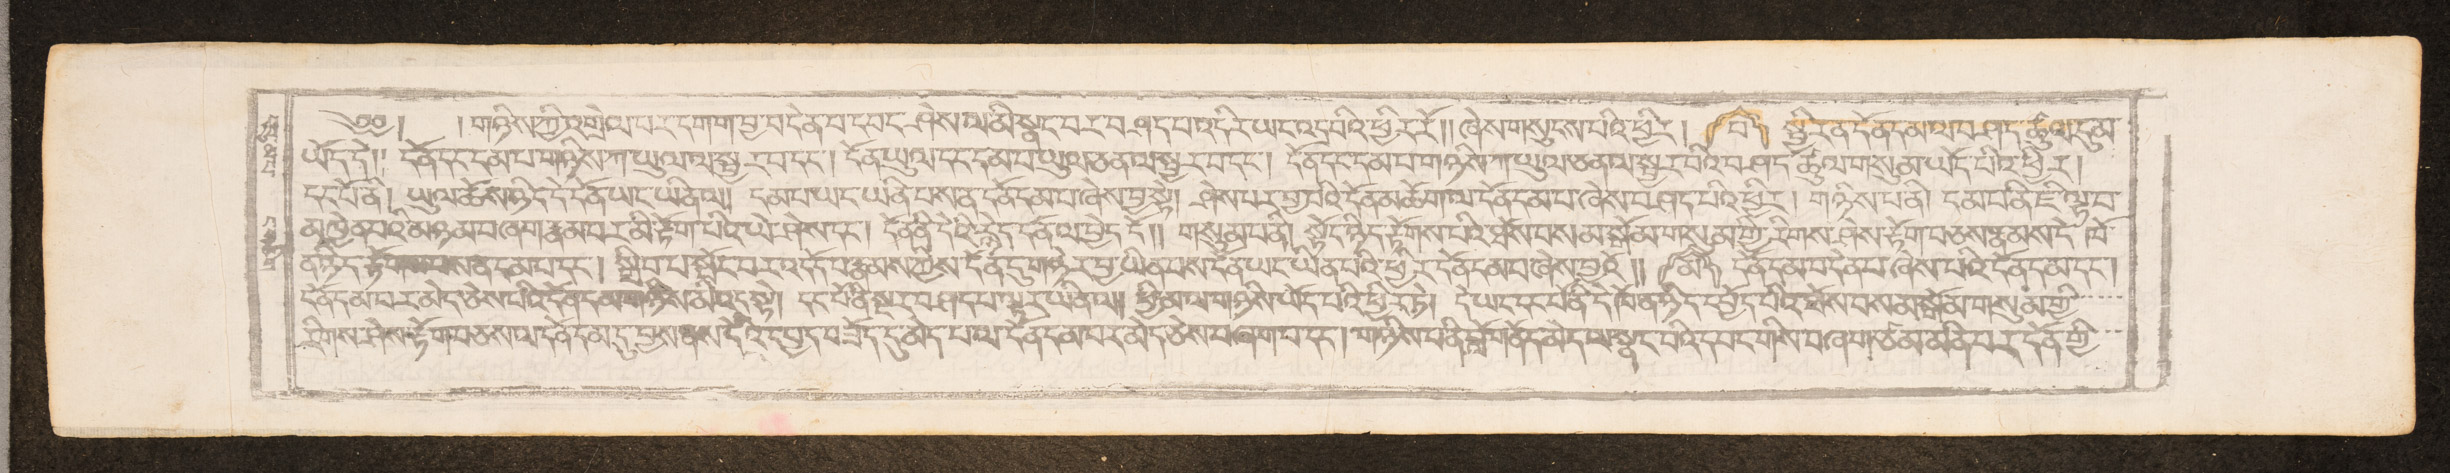༄༅། །གཉིས་ཀྱི་འགྲེལ་པར་འགྲེལ་པྲ་དགག་བྱ་དབང་ཤིས་ལ་མི་སྣང་བར་བཤད་འདིར་ཡང་འདྲ་བའི་ཕྱིར་རོ། །ཞེས་གསུངས་པའི་ཕྱིར། ༼༽བ༼༽ སྤྱིར་ན་དོན་དམ་ལ་བཤད་ཚུལ་དུ་མ་
ཡོད་དེ། །དོ་ན་དང་དམ་པ་གཉིས་ཀ་ཡུལ་ལ་སྦྱར་བ་དང་། དོན་ཡུལ་དན་དམ་པ་ཡུལ་ཅན་ལ་སྦྱར་བ་དང་། དོན་དང་དམ་པ་གཉིས་ཀ་ཡུལ་ཅན་ལས་བྱར་བའི་བཤད་ཚུལ་གསུམ་ཡོད་པའི་ཕྱིར།
དང་པོ་ནི། ཡུལ་ཆོས་ཉིད་དེ་དོན་ཡང་ཡིན་ལ། དམ་པ་ཡང་ཡིན་པས་ན་དོན་དམ་པ་ཞེས་བྱ་སྟེ། ཤེས་པར་བྱ་བའི་དོན་མཆོག་ལ་དོན་དམ་པ་ཞེས་བཤད་པའི་ཕྱིར། གཉིས་པ་ནི། དམ་པ་མིན་ཇི་ལྟ་བ་
མཁྱེན་པའི་མཉམ་བཞག་རྣམ་པྲ་མི་རྟོག་པའི་ཡེ་ཤེས་དང་། །དོན་ནི་དེའི་སྙེད་དོན་ལ་བྱེད་དོ། །གསུམ་པ་ནི། །སྟོང་ཉིད་རྟོགས་པའི་ཐོས་བསམ་སྒོམ་གསུམ་གྱི་རིགས་ཤེས་རྟོག་བཅས་རྣམས་དེ་ཁོ་
ན་ཉིད་རྟོགས་པས་ན་དམ་པ་དང་། སྒྲིབ་པ་སྤོང་པར་འདོད་པ་རྣམས་ཀྱིས་དོན་དུ་གཉེར་བྱ་ཡིན་པས་དོན་ཡང་ཡིན་པའི་ཕྱིར་དོན་དམ་པ་ཞེས་བྱའོ།། ༼༽མ༼༽ དོན་དམ་བདེན་པ་ཞེས་པའི་དོན་དམ་དང་།
དོན་དམ་པར་མེད་ཅེས་པའི་དོན་དམ་གཉིས་མི་འདྲ་སྟེ། དང་པོ་ནི་སྔར་བཤད་པ་ལྟར་ཡིན་ལ། ཕྱི་མ་ལ་གཉིས་ཡོད་པའི་ཕྱིར་ཏེ། དེ་ཡང་དང་པོ་ནི་དེ་ཁོ་ན་ཉིད་དཔྱོད་པའི་ཐོས་བསམ་སྒོམ་གསུམ་གྱི་
རིགས་ཤེས་རྟོག་བཅད་ལ་དོན་དམ་དུ་དུ་བྱས་ནས་དེའི་དཔྱད་བཟོད་དུ་མེད་པ་ལ་དོན་དམ་པར་མེད་ཅེས་བཞག་པ་དང་། གཉིས་པ་ནི་བླ་གནོད་མེད་པ་སང་བའི་དབང་གིས་བཞག་ཙམ་མི་ནི་པར་དོན་གྱི་